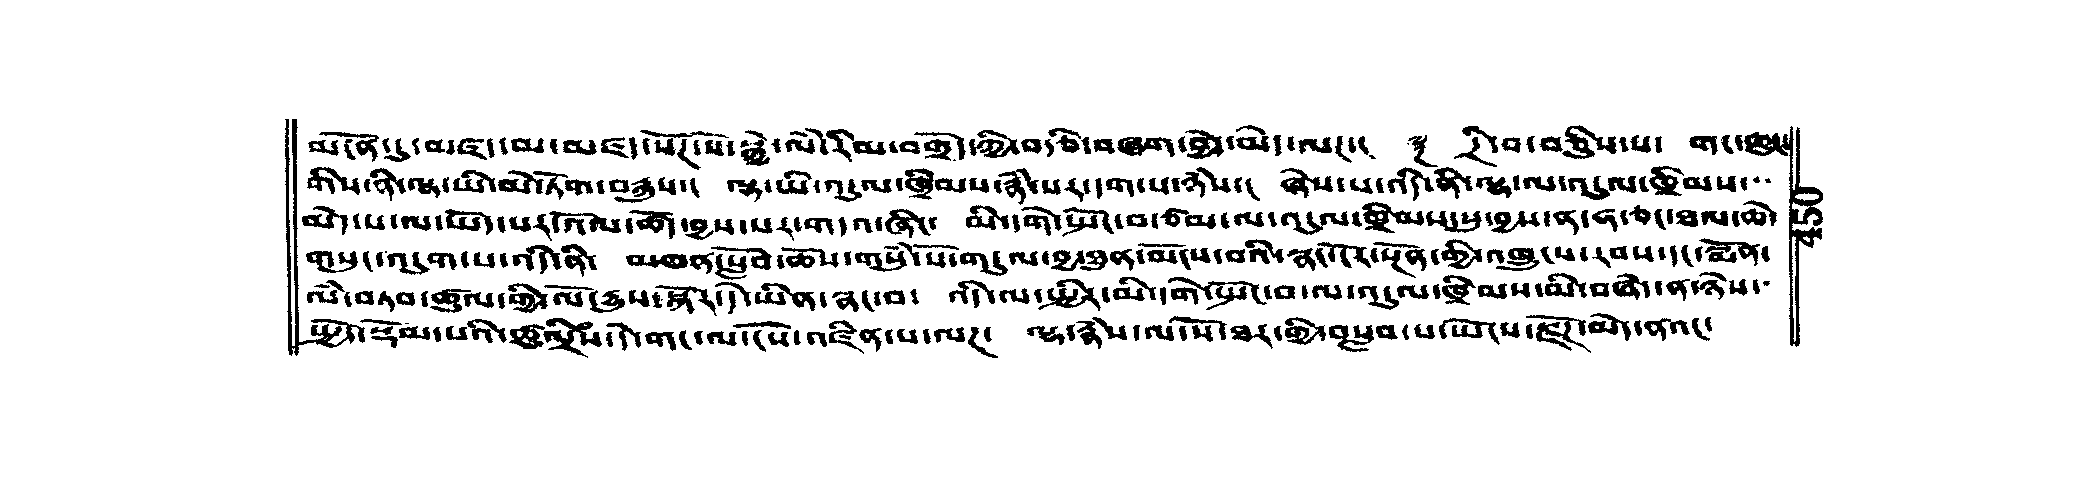མངོན་དུ་མཛད་མ་མཛད་སོགས་སོ་སྐྱེ་ལམ་རིམ་བགྲོད་ཀྱི་བརྩི་བཞག་བྱེད་མེད་ལགས། ༈ དྲི་བ་བཅུ་གཉིས་པ། གང་ཆུང་
གིས་ནི་ལྷ་ཡི་མེ་ཏོག་བརྐུས། །ལྷ་ཡི་འདུལ་ཁྲིམས་རྣམ་པར་དག་པ་ཉམས། ཞེས་པ་འདི་ནི་ལྷ་ལ་འདུལ་ཁྲིམས་
མེད་པ་ལ་ཡོད་པར་འོལ་ཚོད་བྱས་པར་གདའ་ཞིང་། མི་དགེ་སྤོང་བ་ཙམ་ལ་འདུལ་ཁྲིམས་སུ་བྱས་ན་ཧ་ཅང་ཐལ་ཆེ་
གསུངས་འདུག་པ་འདི་ནི། མཁན་སློབ་ཆོས་གསུམ་པོ་གདུལ་བྱ་ཐུན་མོང་པའི་སྣང་ངོར་སྔོན་གྱི་འཁྲུངས་རབས་དང་སྨོན་
ལམ་བཏབ་ཚུལ་གྱི་ལོ་རྒྱུས་སྐོར་དེ་ཡིན་སྣང་བ། འདི་ལ་སྤྱིར་མི་དགེ་སྤོང་བ་ལ་འདུལ་ཁྲིམས་མི་བཞེད་ན་ཉེས་
སྤྱོད་སྡོམ་པའི་ཚུལ་ཁྲིམས་དེ་གང་ལ་ངོས་འཛིན་པ་ལགས།ལྷ་རྣམས་ལ་སོ་ཐར་གྱི་བསླབ་པ་ཡོངས་རྫོགས་མེད་ནའང་